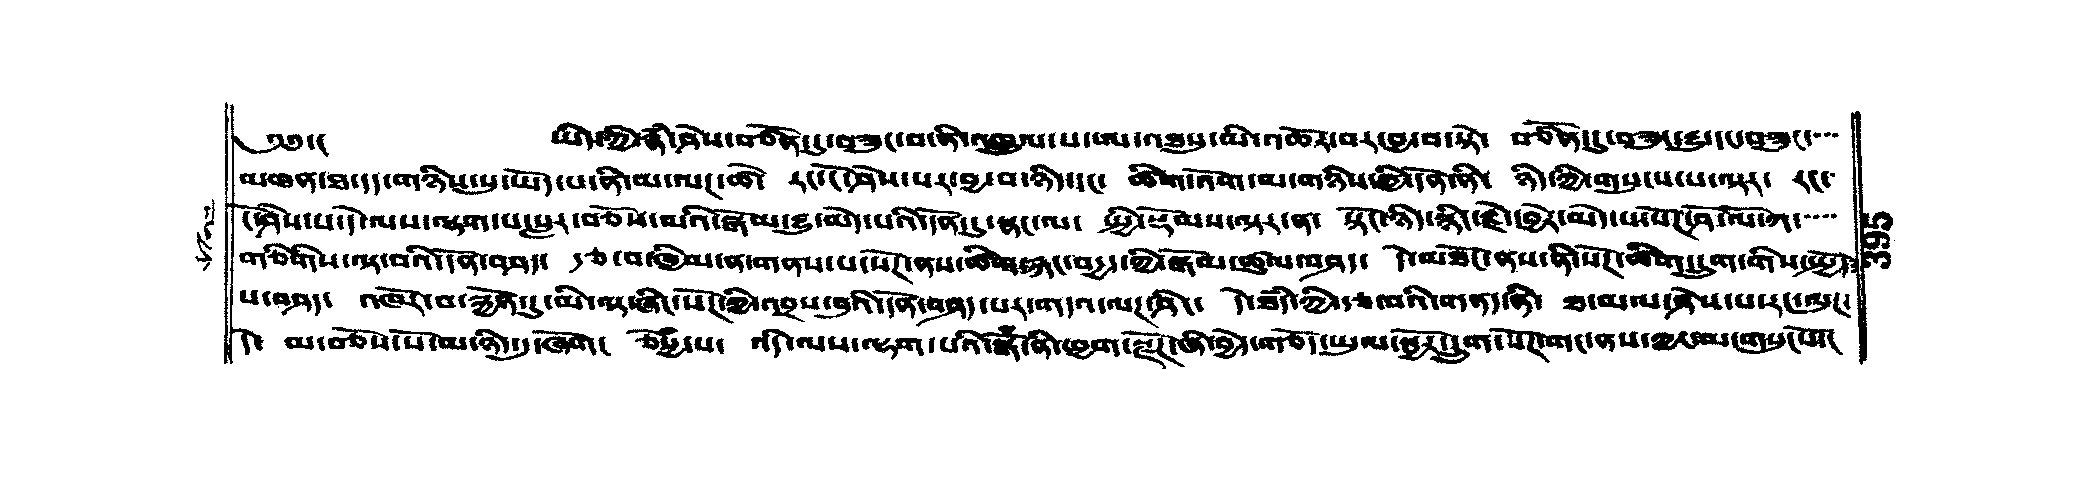ཡིད་ཀྱི་རྣམ་ཤེས་བཙོན་དུ་བཟུང་བ་ནི་འཁྲུལ་པ་འཐས་སུ་མི་འཆོར་བར་བྱས་བ་སྟེ། བཙོན་དུ་བཟུང་རྒྱུད་ང་བཟུང་
མཁན་ཐ་དད་གཉིས་སུ་ཡོད་པ་ནི་མ་ལགས་ཚེ། རང་ངོ་ཤེས་པར་བྱ་བ་ཉིད་དང་། ཚིག་འོག་མ་གཉིས་ཀྱི་དོན་ནི། ཉིད་ཀྱིས་གསུངས་པ་ལྟར། རང་
ངོ་ཤེས་པ་དེ་ལས་ལྷག་པ་སླར་བཅོས་མའི་སྒོམ་རྒྱུ་མེད་པའི་དོན་དུ་སྣང་ལ། སྤྱི་སྡོམས་ལྟར་ན། སྟོང་ཉིད་སྙིང་རྗེ་དབྱེར་མེད་པ་སོགས་ཤོ་ལོ་ཀ་
གཅིག་གིས་ལྟ་བའི་དོན་བཤད། རྩ་བ་ཁྱིམ་ན་གནས་པ་སོགས་ནས་ཚིག་རྐང་བརྒྱད་ཀྱི་སྒོམ་ཚུལ་བཤད། དེ་མཐོང་ནས་ནི་སོགས་ཚིག་དྲུག་གིས་སྤྱོད་
པ་བཤད། འཁོར་བ་སྐྱོན་དུ་མི་ལྟ་ཞིང་། སོགས་ཀྱི་འབྲས་བུའི་དོན་བཤད་པར་གདའ་ལགས་ཤིང་། དེ་ཐམས་ཅད་ཀྱི་རྩ་བའི་གནད་ནི། ཐ་མལ་ཤེས་པ་རང་ལུགས་
དེ། །མ་བཅོས་སོ་མ་ཉིད་དུ་ཞོག ཅེས་གསུངས། འདི་ལས་ལྷག་པའི་སྒོམ་ནི་ཕྱག་རྫོགས་ཞི་བྱེད་གཅོད་ཡུལ་སྦྱོར་དྲུག་སོགས་གང་ནས་ཀྱང་མ་གསུངས་སོ།